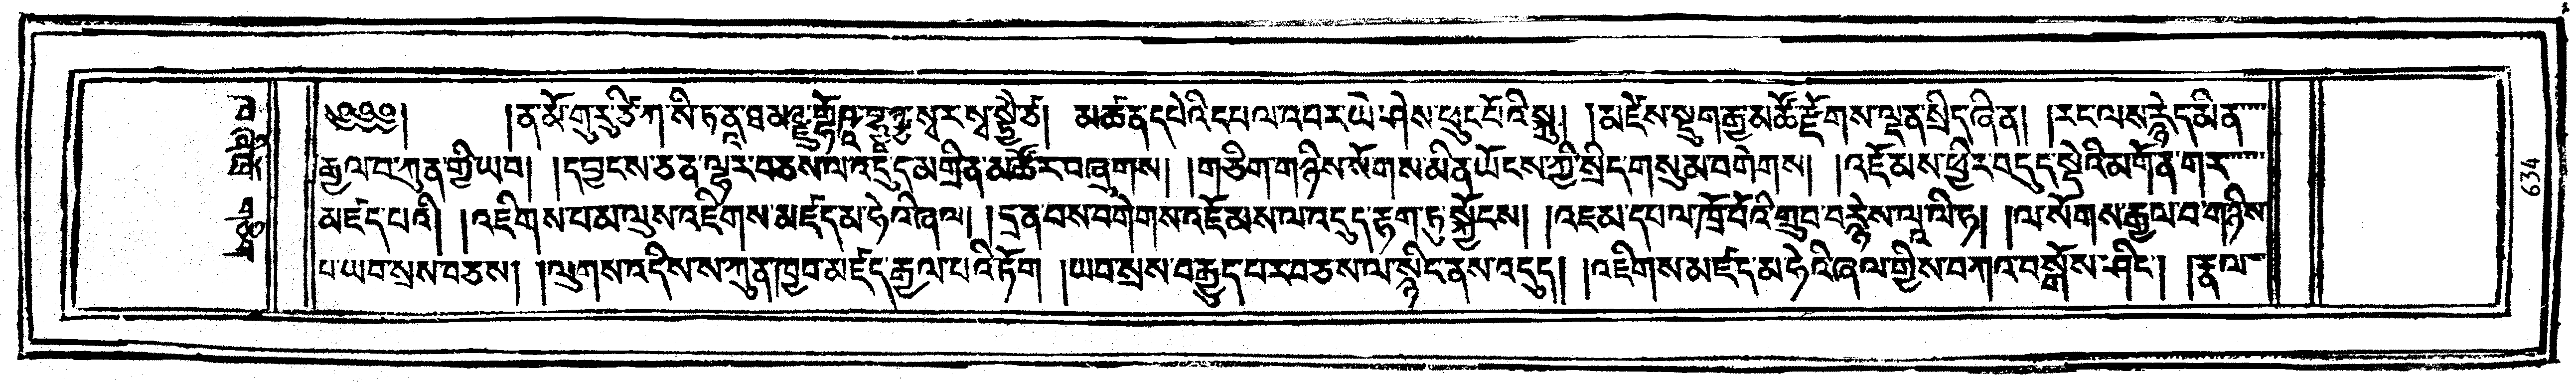༄༅༅། །ན་མོ་གུ་རུ་ཙི་ཀ་སི་ཏ་ནཱ་ཐ་མཉྫུ་གྷོཥཱ་བྷྱཉྩ་སྭ་ར་སྭ་སྟྱཻ་ཙ། མཚན་དཔེའི་དཔལ་འབར་ཡེ་ཤེས་ཕུང་པོའི་སྐུ། །མཛེས་སྡུག་རྒྱ་མཚོ་རྫོགས་ལྡན་སྲིད་ཞི་ན། །རང་ལས་རྙེད་མིན་
རྒྱལ་བ་ཀུན་གྱི་ཡབ། །དབྱངས་ཅན་ལྷར་བཅས་ལ་འདུད་མགྲིན་མཚོར་བཞུགས། །གཅིག་གཉིས་སོགས་མིན་ཡོངས་ཀྱི་སྲིད་གསུམ་བགེགས། །འཇོམས་ཕྱིར་བདུད་སྡེའི་མགོན་གར་
མཛད་པའི། །འཇིགས་པ་མ་ལུས་འཇིགས་མཛད་མ་ཧེའི་ཞལ། །དྲན་པས་བགེགས་འཇོམས་ལ་འདུད་རྟག་ཏུ་སྐྱོངས། །འཇམ་དཔལ་ཁྲོ་བོའི་གྲུབ་བརྙེས་ལཱ་ལི་ཏ། །ལ་སོགས་རྒྱལ་བ་གཉིས་
པ་ཡབ་སྲས་བཅས། །ལུགས་འདིས་ས་ཀུན་ཁྱབ་མཛད་རྒྱལ་པའི་ཏོག །ཡབ་སྲས་བརྒྱུད་པར་བཅས་ལ་སྙིང་ནས་འདུད། །འཇིགས་མཛད་མ་ཧེའི་ཞལ་གྱིས་བཀའ་བསྒོས་ཤིང་། །རྣལ་